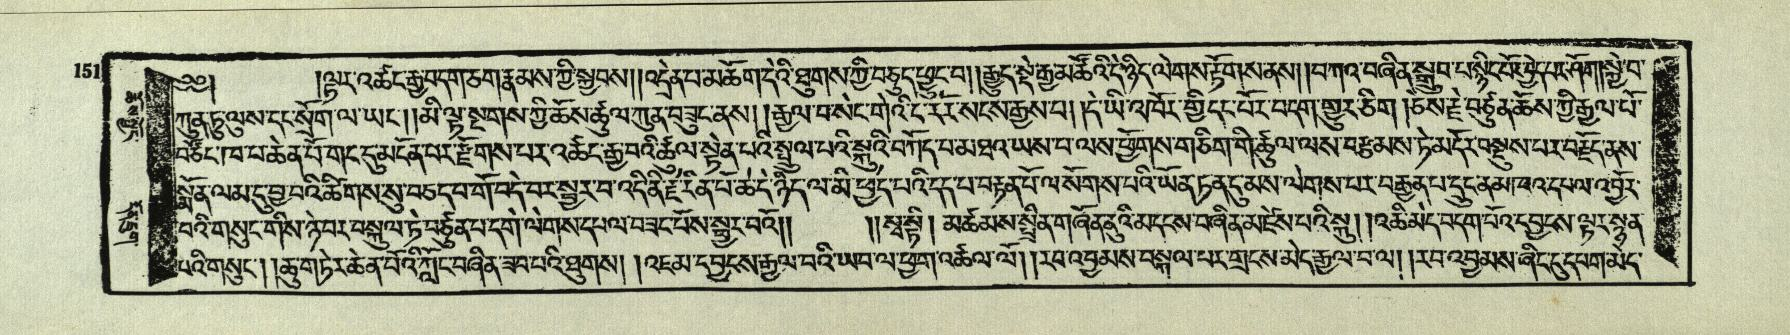༄༅། །ལྟར་འཚང་རྒྱ་བདག་ཅག་རྣམས་ཀྱི་སྐྱབས། །འདྲེན་པ་མཆོག་དེའི་ཐུགས་ཀྱི་བཅུད་ཕྱུང་བ། །རྒྱུད་སྡེ་རྒྱ་མཚོའི་དེ་ཉིད་ལེགས་རྟོགས་ནས། །བཀའ་བཞིན་སྒྲུབ་པ་སྙིང་པོར་བྱེད་པར་ཤོག། །སྐྱེ་བ་
ཀུན་ཏུ་ལུས་དང་སྲོག་ལ་ཡང་། །མི་ལྟ་སྔགས་ཀྱི་ཆོས་ཚུལ་ཀུན་བཟུང་ནས། །རྒྱལ་བ་སེང་གེའི་ང་རོར་སངས་རྒྱས་པ། །དེ་ཡི་འཁོར་གྱི་དང་པོར་བདག་གྱུར་ཅིག །ཅེས་རྗེ་བཙུན་ཆོས་ཀྱི་རྒྱལ་པོ་
བཙོང་ཁ་པ་ཆེན་པོ་གང་དུ་མངོན་པར་རྫོགས་པར་འཚང་རྒྱ་བའི་ཚུལ་སྟེན་པའི་སྤྲུལ་པའི་སྐུའི་བཀོད་པ་མཐའ་ཡས་པ་ལས་ཕྱོགས་གཅིག་གི་ཚུལ་ལས་བརྩམས་ཏེ་མདོར་བསྡུས་པར་བརྗོད་ནས་
སྨོན་ལམ་དུ་བྱ་བའི་ཚིགས་སུ་བཅད་པ་གོ་བདེ་བར་སྦྱར་བ་འདི་ནི་རྗེ་རིན་པོ་ཆེ་དེ་ཉིད་ལ་མི་ཕྱེད་པའི་དད་པ་བརྟན་པོ་ལ་སོགས་པའི་ཡོན་ཏན་དུ་མས་ལེགས་པར་བརྒྱན་པ་དྲུང་ན་མཁའ་དཔལ་འབྱོར་
བའི་གསུང་གིས་ཉེ་བར་བསྐུལ་ཏེ་བཙུན་པ་དགེ་ལེགས་དཔལ་བཟང་པོས་སྦྱར་བའོ།། །།སྭ་སྟི། མཚམས་སྤྲིན་གཞོན་ནུའི་མདངས་བཞིན་མཛེས་པའི་སྐུ། །འཆི་མེད་བདག་པོའི་དབྱངས་ལྟར་སྙན་
པའི་གསུང་། །ཆུ་གཏེར་ཆེན་པོའི་ཀློང་བཞིན་ཟབ་པའི་ཐུགས། །འཇམ་དབྱངས་རྒྱལ་བའི་ཡབ་ལ་ཕྱག་འཚལ་ལོ། །རབ་འབྱམས་བསྐལ་པར་གྲངས་མེད་རྒྱལ་བ་ལ། །རབ་འབྱམས་ཞིང་དུ་དཔག་མེད་